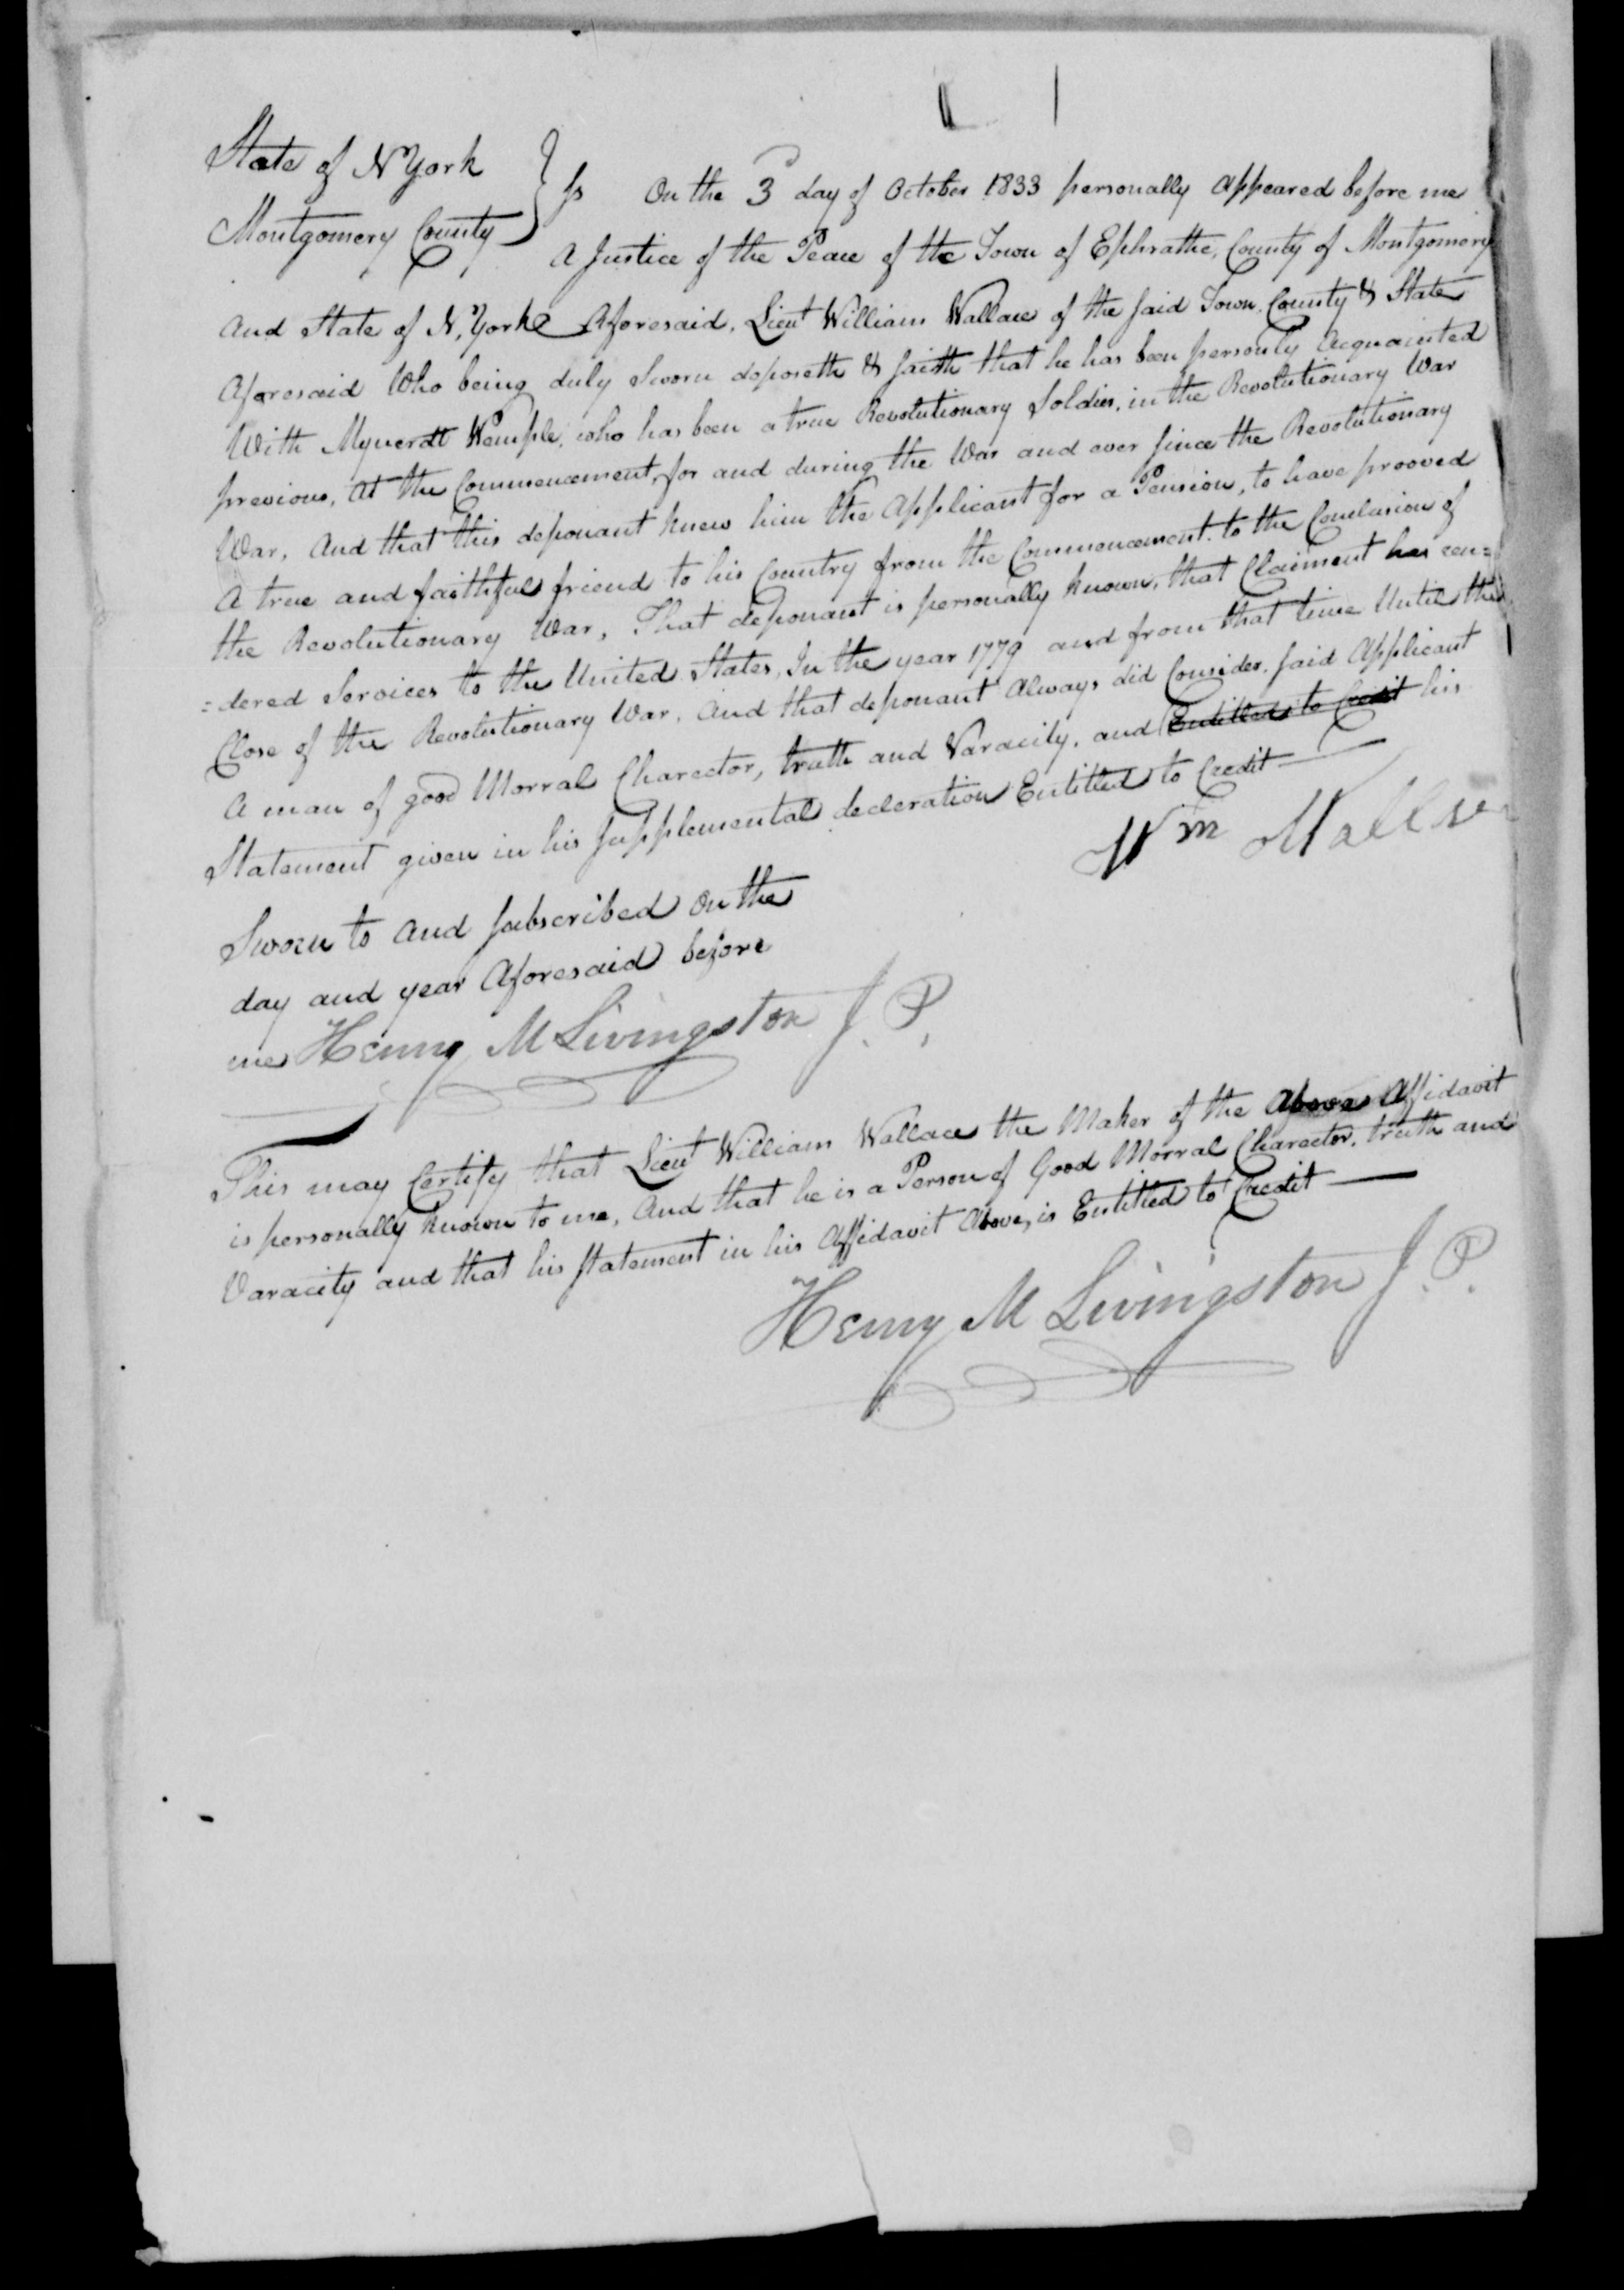State of N York}
Montgomery County}  ss
On the 3d day of October 1833 personally appeared before me
a Justice of the Peace of the Town of Ephrathe, County of Montgomery
and State of N. York aforesaid, Lieut William Wallace of the said Town, County & State
aforesaid who being duly Sworn deposeth & saith that he has been personly(personally?) acquainted with
Mynerdt(Myndert) Wemple, who has been a true Revolutionary Soldier, in the Revolutionary War
previous, at the Commencement for and during the War and ever since the Revolutionary War,
And that this deponant(deponent) knew him the applicant for a Pension, to have prooved(proved) 
a true and faithful friend to his Country from the Commencement to the Conclusion of
the Revolutionary War. That deponant(deponent) is personally known, that Claimant has rendered Services 
to the United States, In the year 1779 and from that time until the Close of the Revolutionary War, and that deponant(deponent) always did [illegible], said applicant a man of good Morral(moral) Charector(character), truth and Varacily(veracity?), and [crossed out] his Statement given in his supplemental decleration(declaration) Entitled to Credit--
 
Wm Wallace

Sworn to and subscribed on the
day and year aforesaid before me
Henry M Livingston J.P.

This may certify that Lieut William Wallace the Maker of the above affidavit is personally known to me, and that he is a Person of Good Morral(moral) Charactor(character), truth and Varacity(veracity) and that his statement in his affidavit above is Entitled to Credit--
Henry M Livingston J.P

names: Mynerdt Wample, William Wallace, Henry M Livingston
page: 12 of 51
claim: widow's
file: W. 19604, Myndert B Wemple, New York